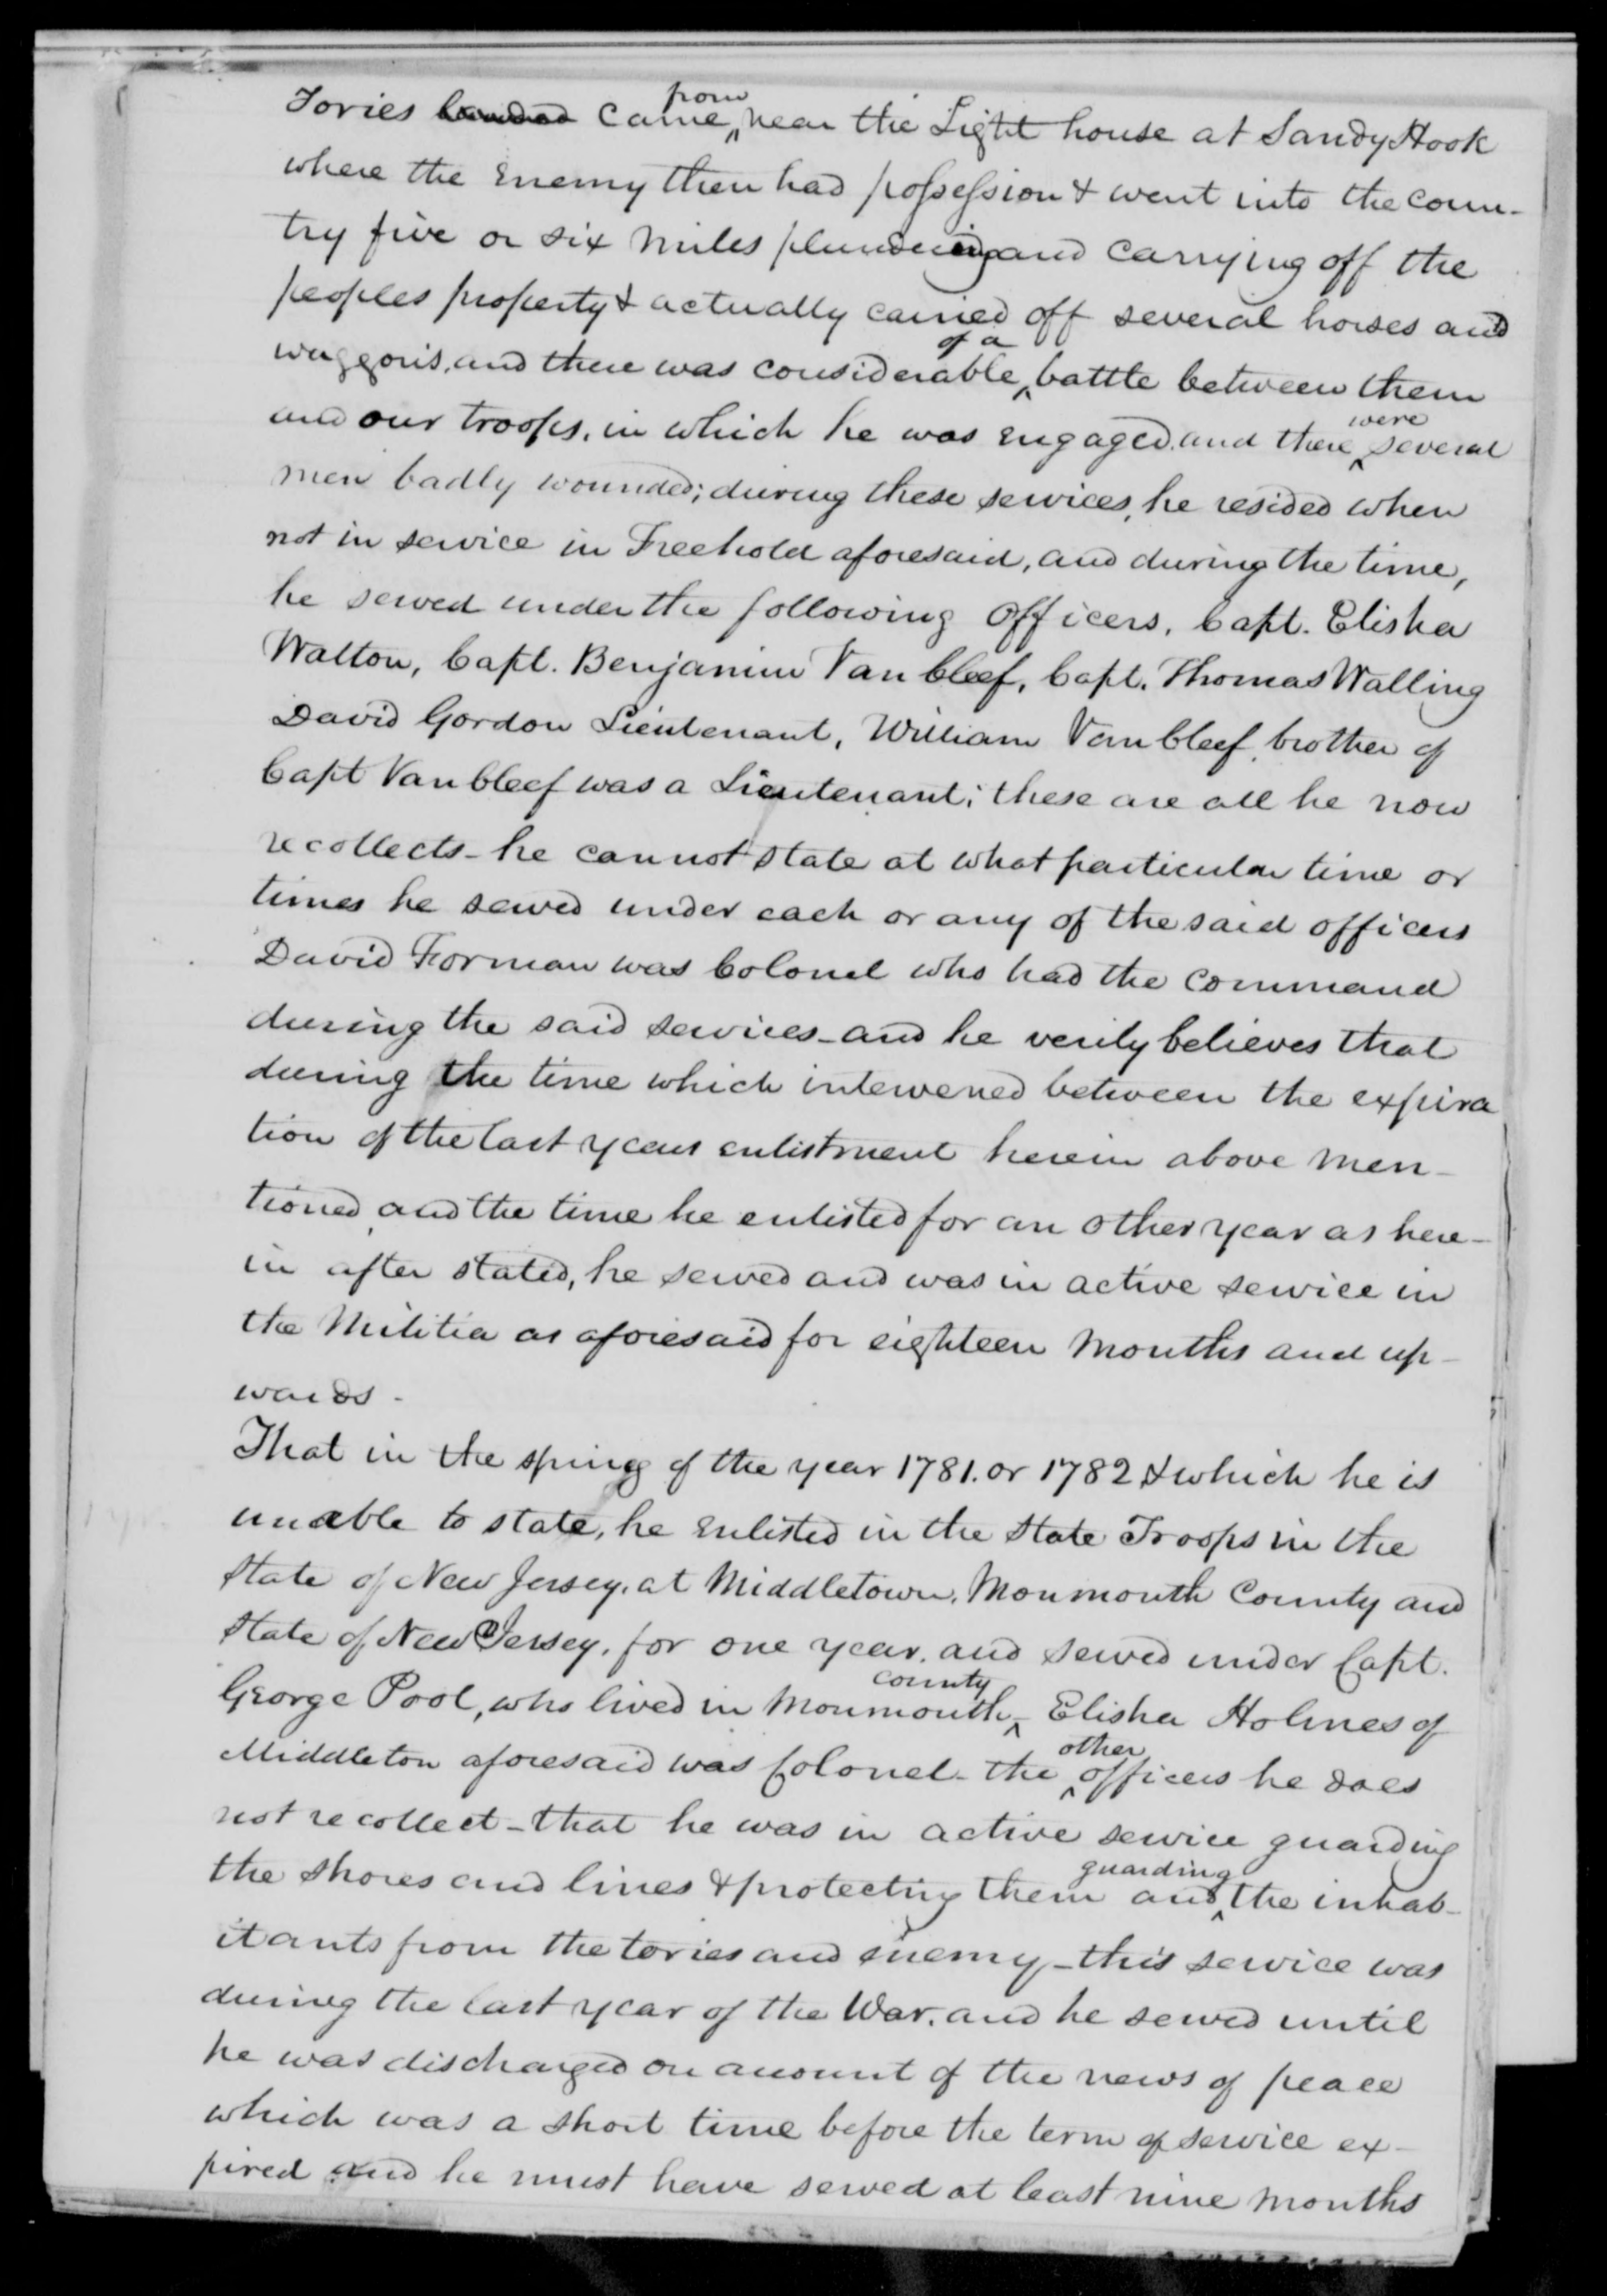Tories came from near the Light house at Sandy Hook where the enemy there had possession & went into then country five or six miles plundering and carrying off the people's property & actually carried off several horses and wagons and there was considerable of a battle between them and our troops, in which he was engaged and there were several men badly wounded; during these services, he resided when not in service in Freehold aforesaid, and during the time he served under the following officers, Capt. Elisha Walton, Capt. Benjamin Van Cleef, Capt. Thomas Walling, David Gordon Lieutenant, William Van Cleef brother of Capt. Van Cleef was a Lieutenant; these are all he now recollects - he cannot state at what particular time or times he served under each or any of the said officers. David Forman was Colonel who had the command during the said services and he verily believes that during the time which intervened between the expiration of the last year's enlistment herein above mentioned and the time he enlisted for another year as hereinafter stated, he served and was in active service in the Militia as aforesaid for eighteen months and upwards.

That in the spring of the year 1781 or 1782 & which he is unable to state, he enlisted in the State Troops in the State of New Jersey at Middletown, Monmouth County and State of New Jersey, for one year and served under Capt. George Pool, who lived in Monmouth County,  Elisha Holmes of Middletown aforesaid was Colonel the other officers he does not recollect - that he was in active service guarding the shores and lives & protecting them and guarding the inhabitants from the tories and enemy - this service was during the last year of the War, and he served until he was discharged on account of the news of peace which was a short time before the term of service expired and he must have served at least nine months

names: William Van Cleef, Van Cleef, Elisha Holmes, Benjamin Van Cleef, George Pool, David Forman, Thomas Walling, Elisha Walton, David Gordon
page: 13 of 66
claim: widow's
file: W. 19588, William Walling, New Jersey